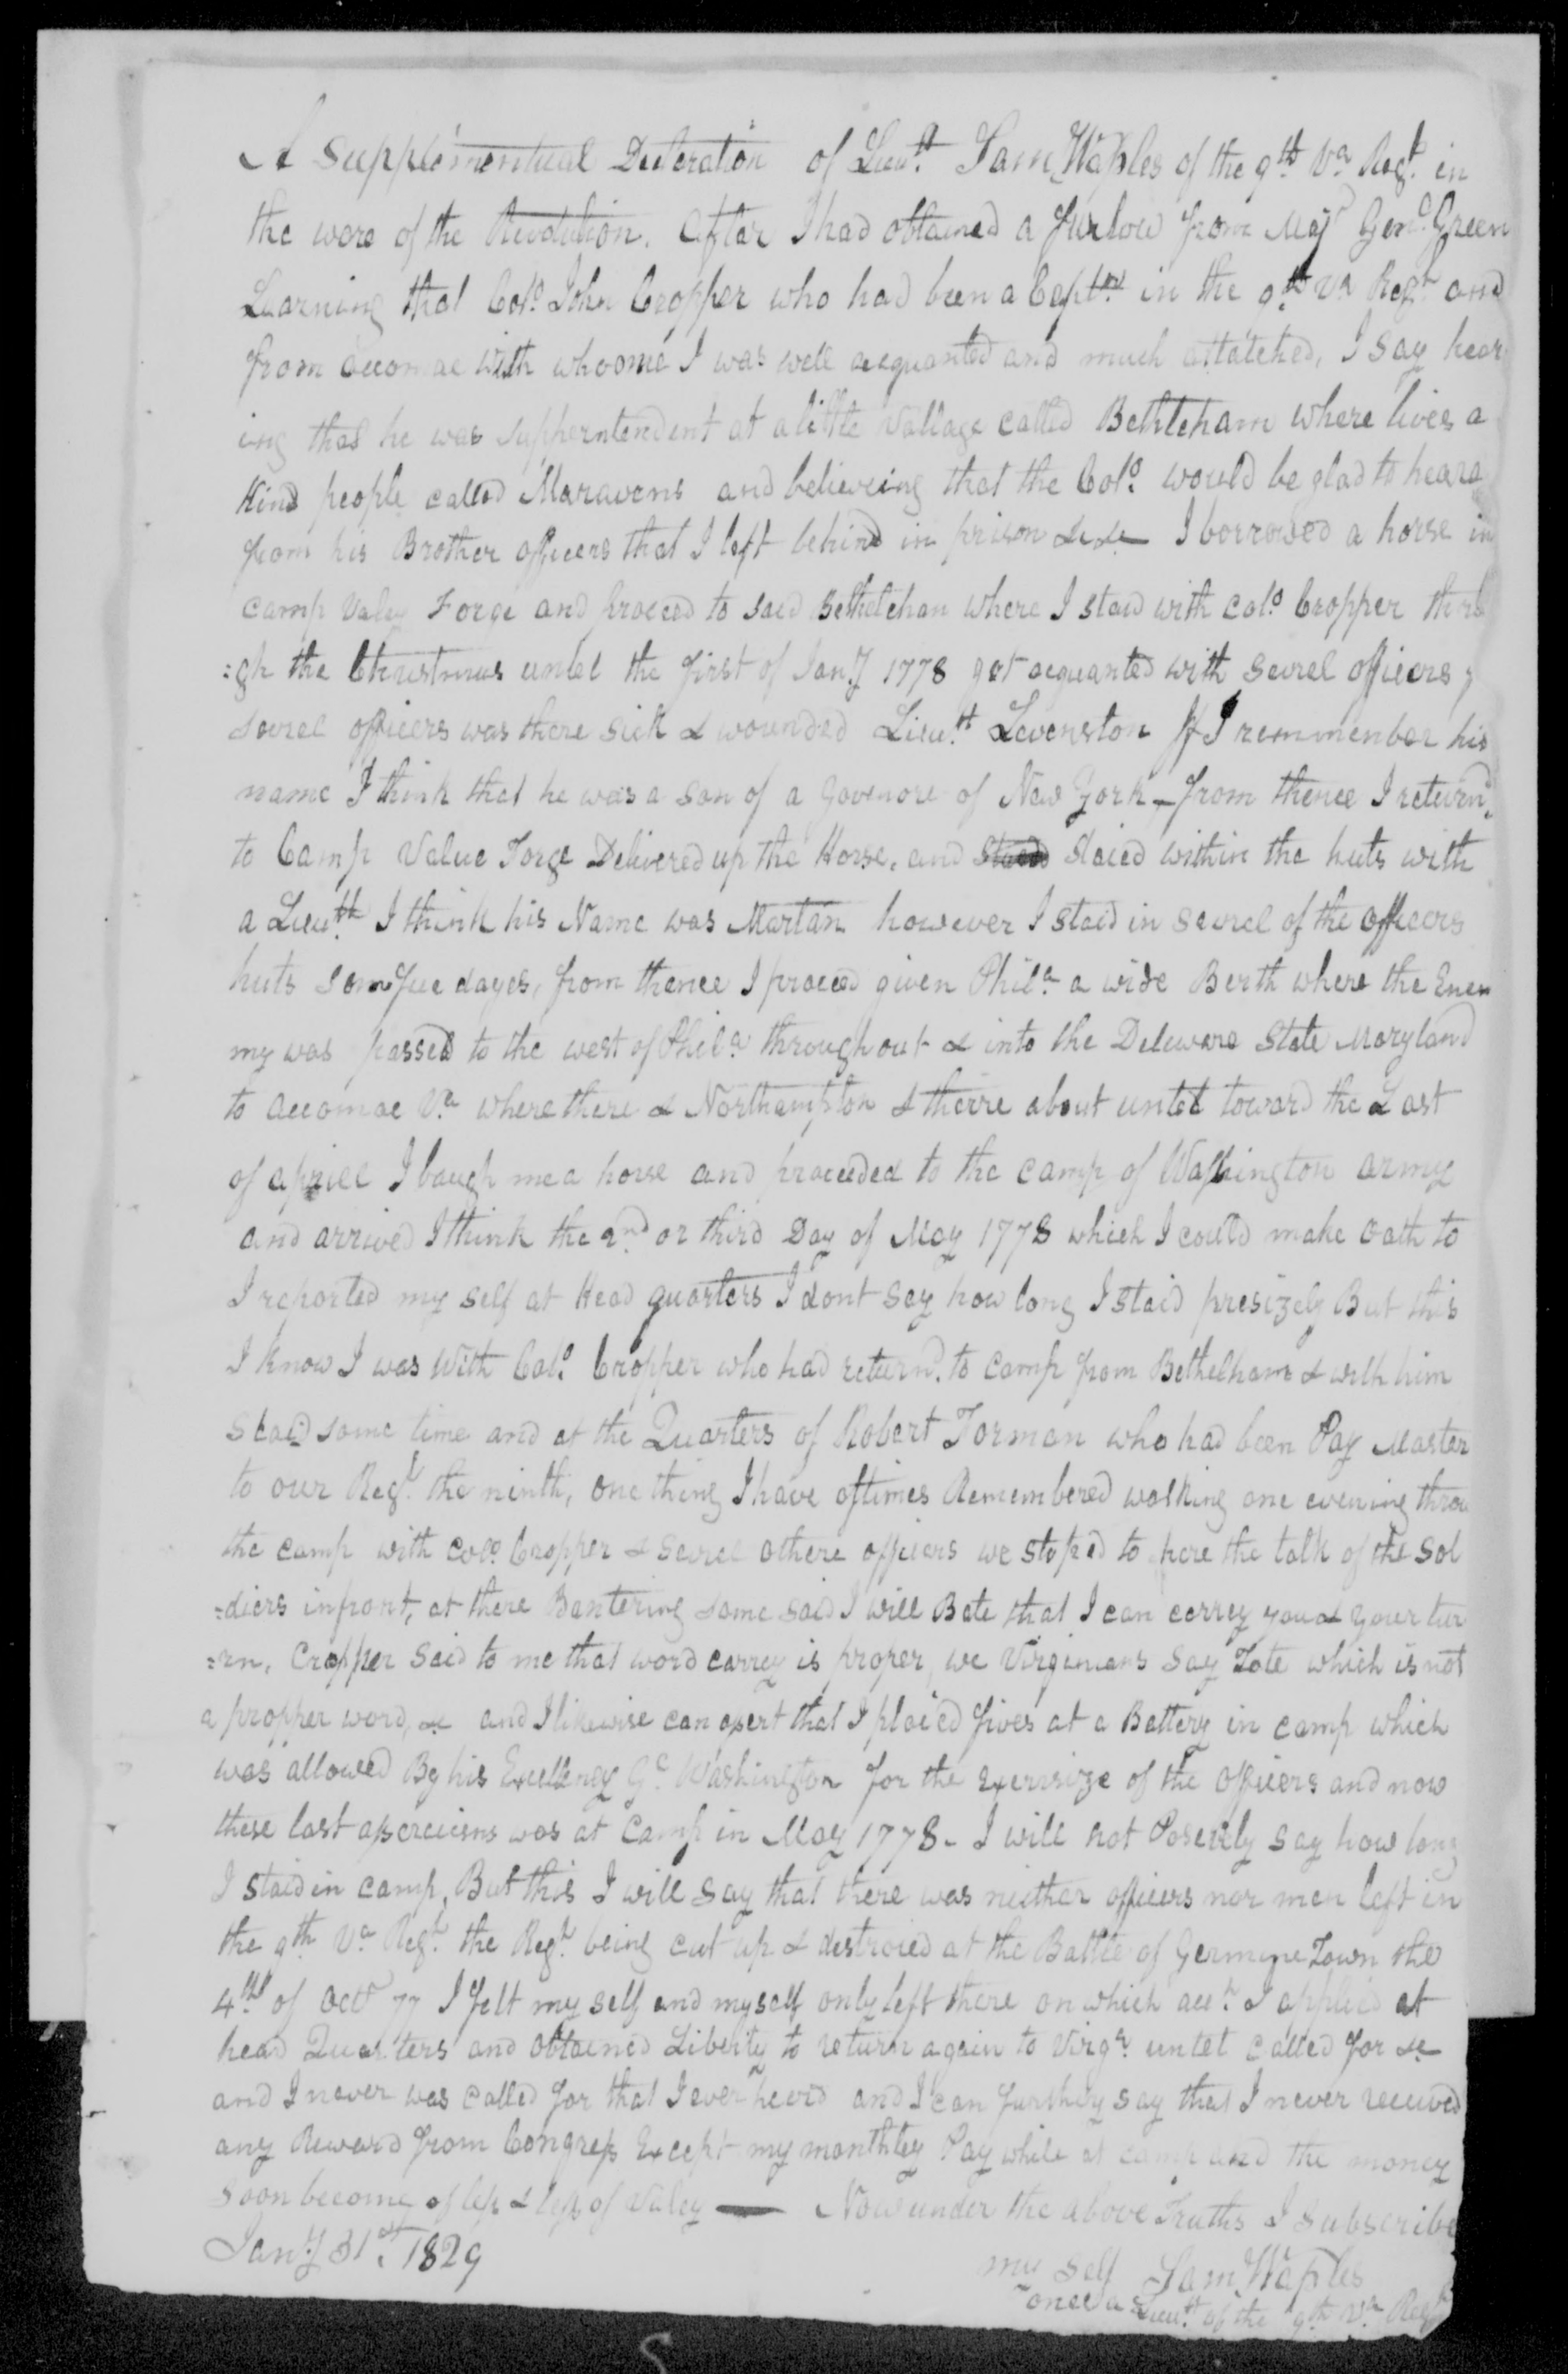A supplemental Declaration of Lieut. Sam Waples of the 9th Va Regt. in the war of the Revolution. After I had obtained a furlow from Majr. Genl. Green Learning that Colo. John Cropper who had been a Captn. in the 9th Va. Regt. and from several with whoome I was well acquainted and much attached, I say hearing that he was supperintendent at a little village called Bethleham where lives a Kind people called Maraven's and believing that the Colo. would be glad to hear from his Brother Officers that I left behind in prison &c &c I borrowed a house in camp Valey Forge and proceed to said Bethleham where I staid with Colo. Cropper through the Christmas until the first of Jan.y 1778 got acquanted with sevrel officers sevrel officers was there sick & wounded Lieut. Levenston I remember his name I think that he was a son of a govenore of New York - from thence I returnd. to Camp Value Forge Delivered up the Horse, and staid within the huts with a Lieut. I think his Name was Martan however I staid in sevrel of the officers huts some few days, from thence I proceed given Phila. a wide Berth where the Enemy was passed to the west of Phila. throughout & into the Deleware State Maryland to Accomac Va. where there & Northampton I therre about until toward the Last of April I bough me a horse and proceeded to the camp of Washington Army and arrived I think the 2nd. or third Day of May 1778 which I could make Oath to I reported my self at Head quarters I dont say how long I staid presizely But this I know I was with Colo. Cropper who had returnd. to Camp from Bethleham & with him staid some time and at the Quarters of Robert Torman who had been Pay Master to our Regt. the ninth, one thing I have oftimes Remembered working one evening there in the camp with Colo. Cropper & sevrel others officers we stoped to here the talk of the Soldiers import, at there Bantering some said I will Bete that I can carry you & your turn, Cropper said to me that word carrey is proper, we Virginians say Tote which is not a propper word, and I likewise can assert that I placed fives at a Battery in Camp which was allowed By his Excellency Gl. Washington for the exersize of the Officers and now these last ascercions was at Camp in May 1778 - I will not Posively say how long I staid in camp But this I will say that there was neither officers nor men left in the 9th Va. Regt. the Regt. being cut up & destroied at the Battle of Germyne Town the 4th of Octr 77 I felt myself and myself only left there on which acct. I applied at head Quarters and obtained Liberty to return again to Virga. until called for &c. and I never was called for that I ever herd and I can further say that I never received any Reward from Congress Except my monthly Pay while at camp and the money soon become of less & less of Valey - Now under the above Truths I subscribe myself
Jan.y 31st 1829 Sam Waples
once a Lieut. of the 9th Va. Regt.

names: Cropper, Green, Leverston, Saml Waples, John Cropper, John Waples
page: 41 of 59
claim: widow's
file: W. 6427, Samuel Waples, Va.